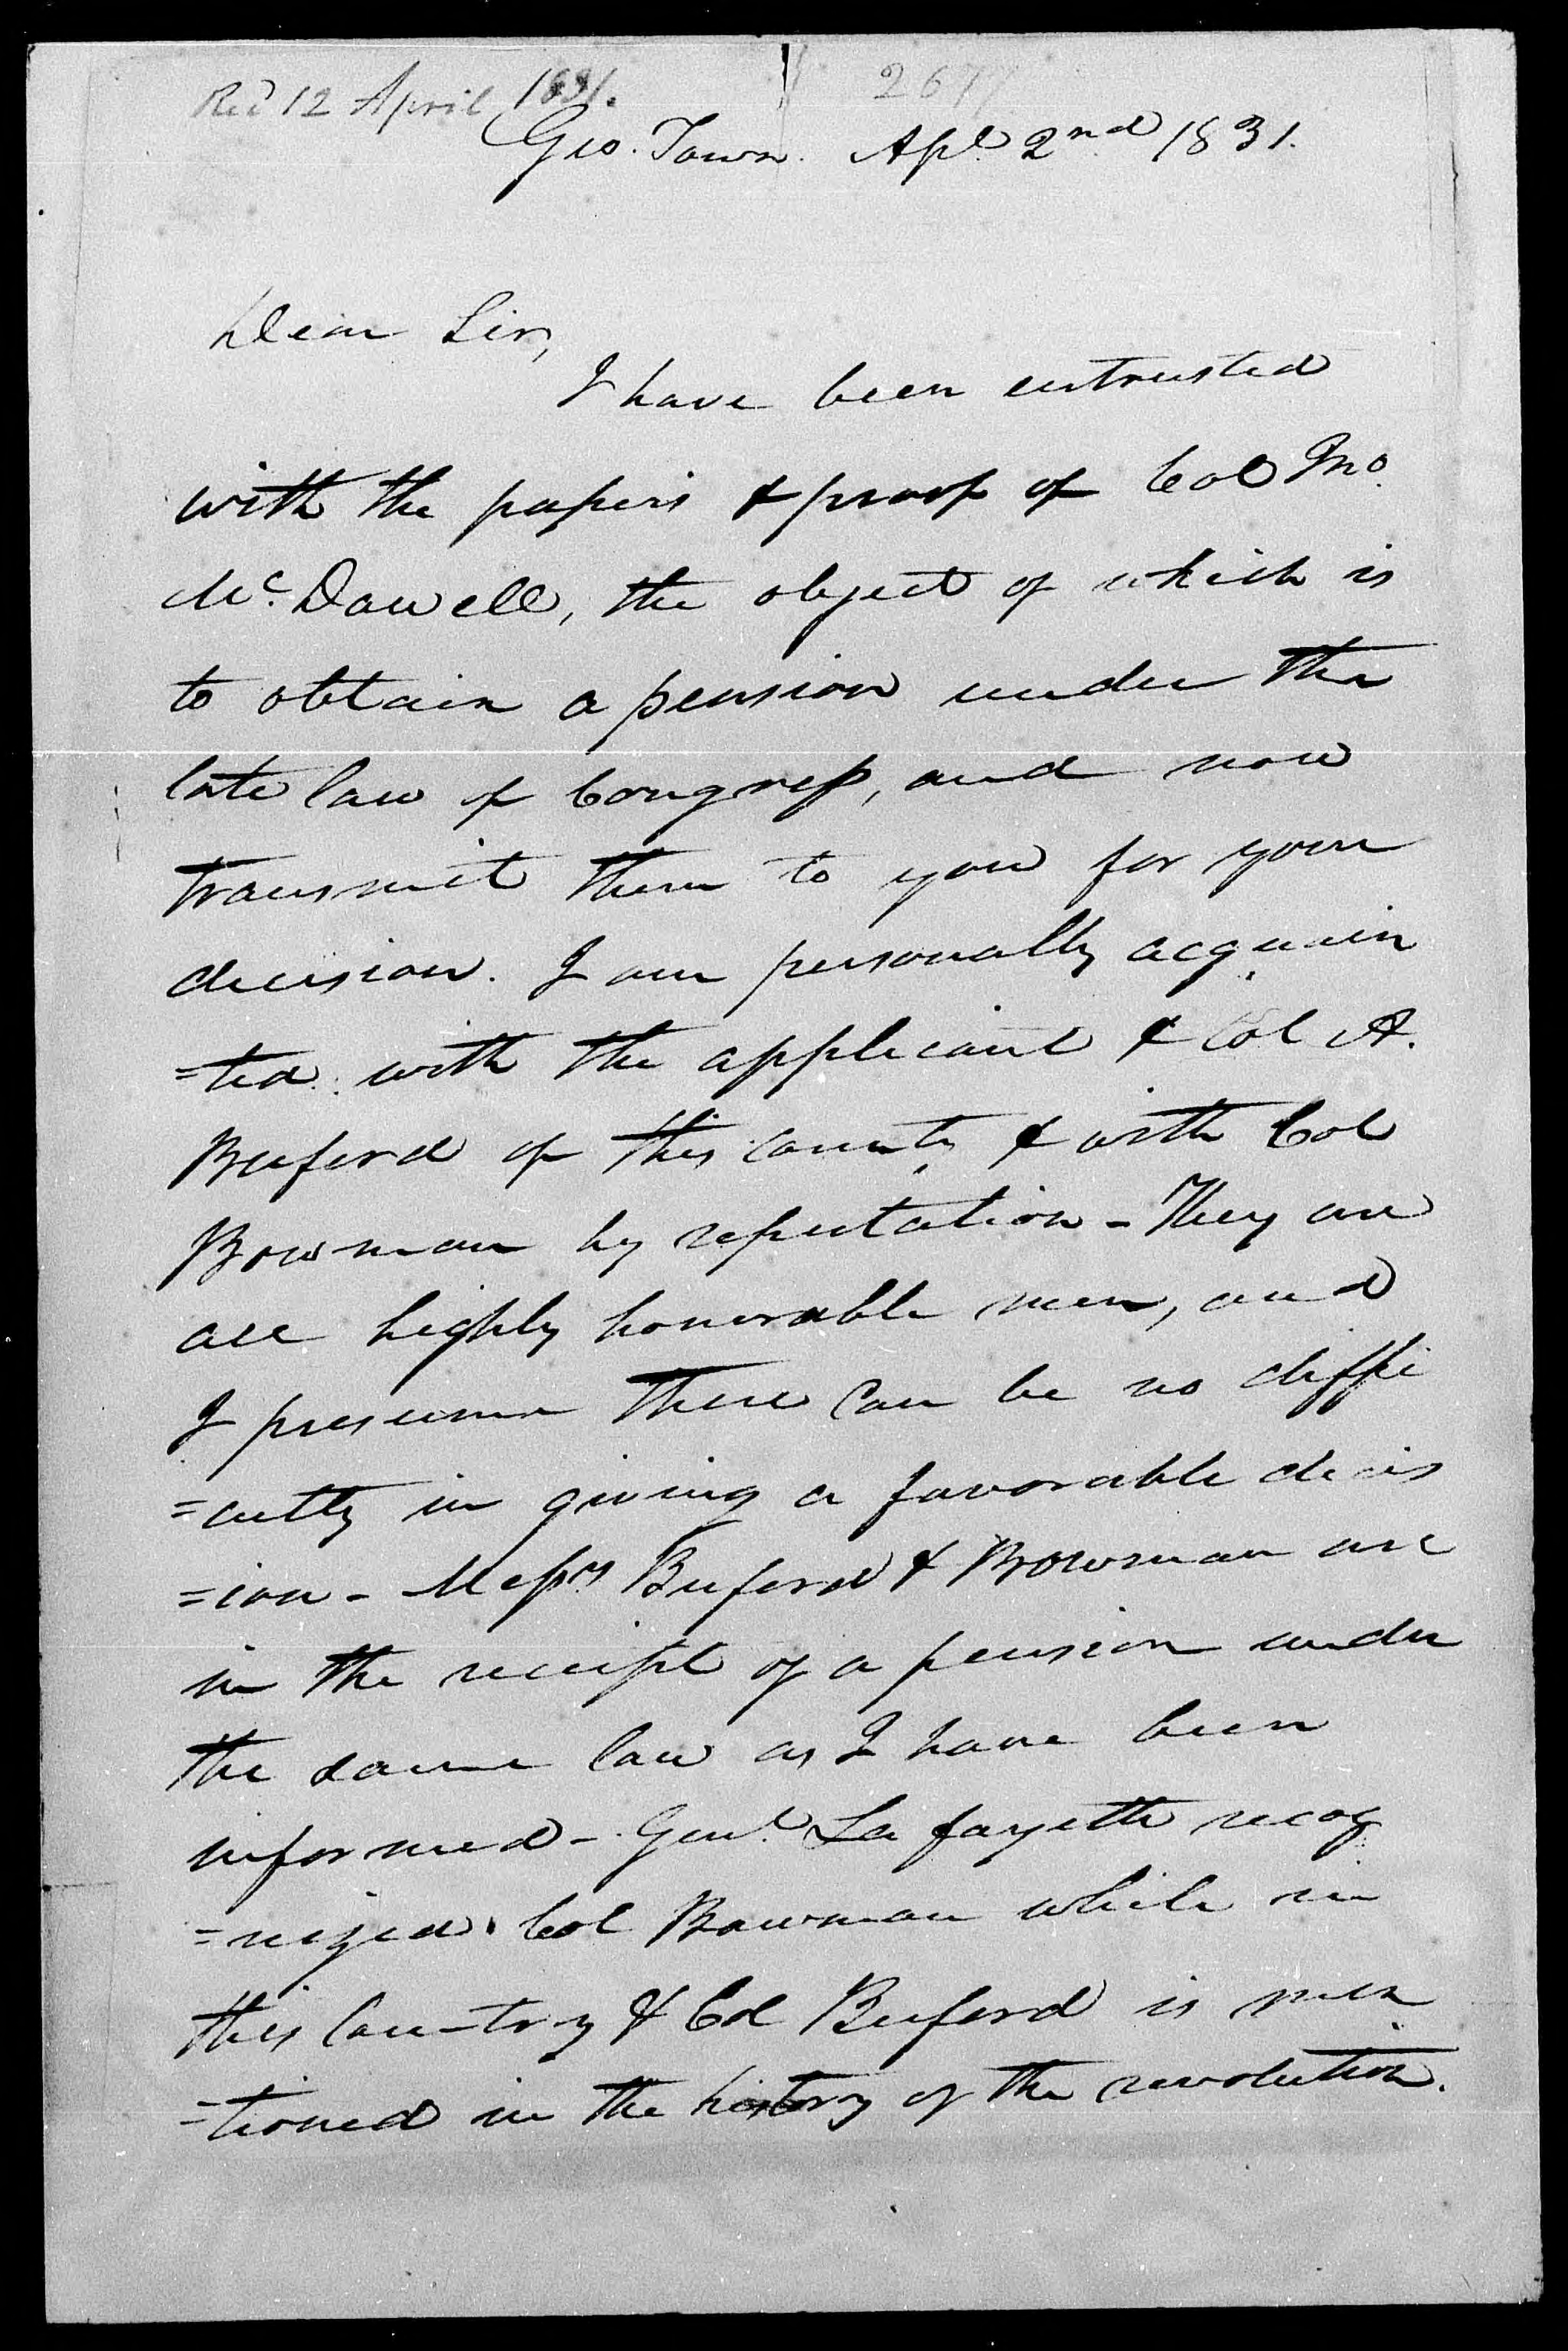Rcd. 12 April 1831
Geo. Town. Al\pl 2nd 1831.

Dear Sir,
I have been entrusted
with the papers &/proof of Col. Jn
McDowell, the object of which is
to obtain a pension under the
late law of Congress, and now
transmit them to you for your 
decision. I am personally acquainted
with the applicant Col. A. 
Buford of this county with Col.
Bowman by reputation. They are
all highly honorable men, and
I presume there can be no difficulty
in giving a favorable decision.
[illegible] Buford & Bowman are 
in the receipt of a pension under
the same law as I have been
informed--Genl Lafayette recognized.
Col Bowman while in
this country & Col. Buford is mentioned
in the history of the revolution.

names: A Buford; [BLANK] Buford; [BLANK] Bowman; [BLANK] Lafayette; Jno Mc Dowell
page: 28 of 47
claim: survivor's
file: S. 30578, for John Mc Dowell, Virginia